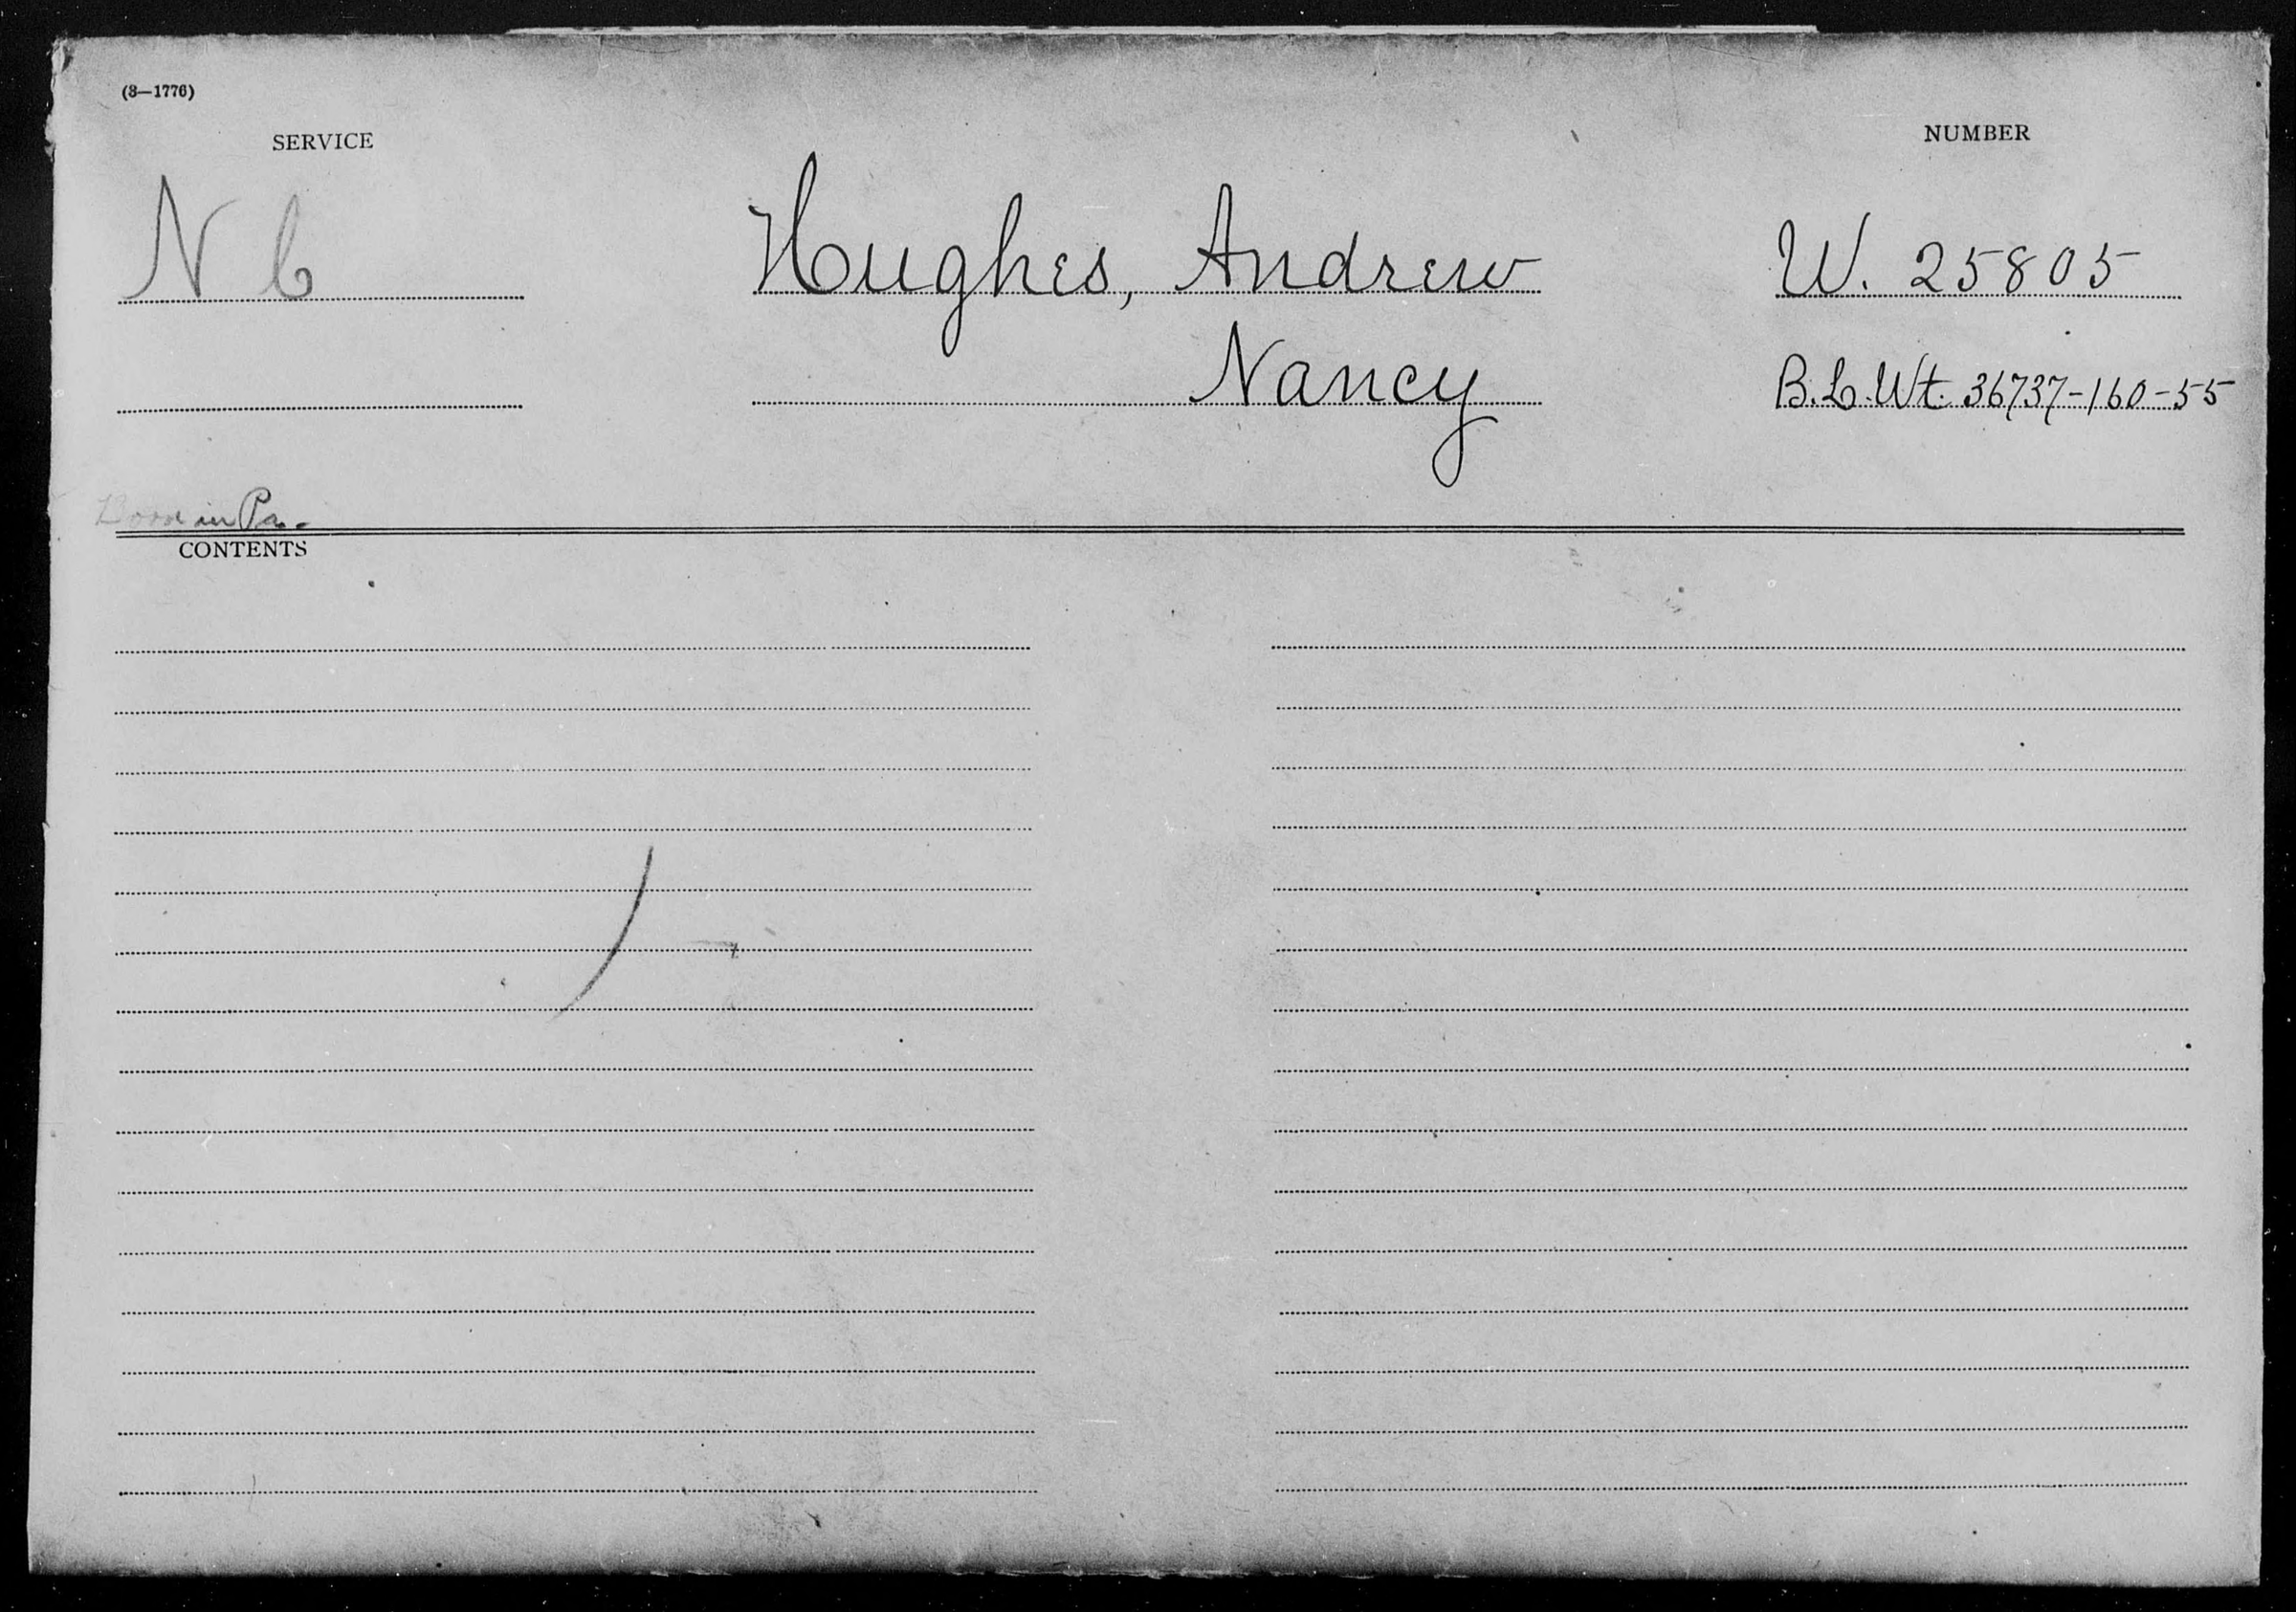(8 - 1776 )
SERVICE
NC

Hughes, Andrew
Nancy

NUMBER
W. 25805
B.L. Wt. 36737-160-55
Born in PA
CONTENTS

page: 1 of 75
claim: widow's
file: W. 25805, Andrew Hughes, N.C.